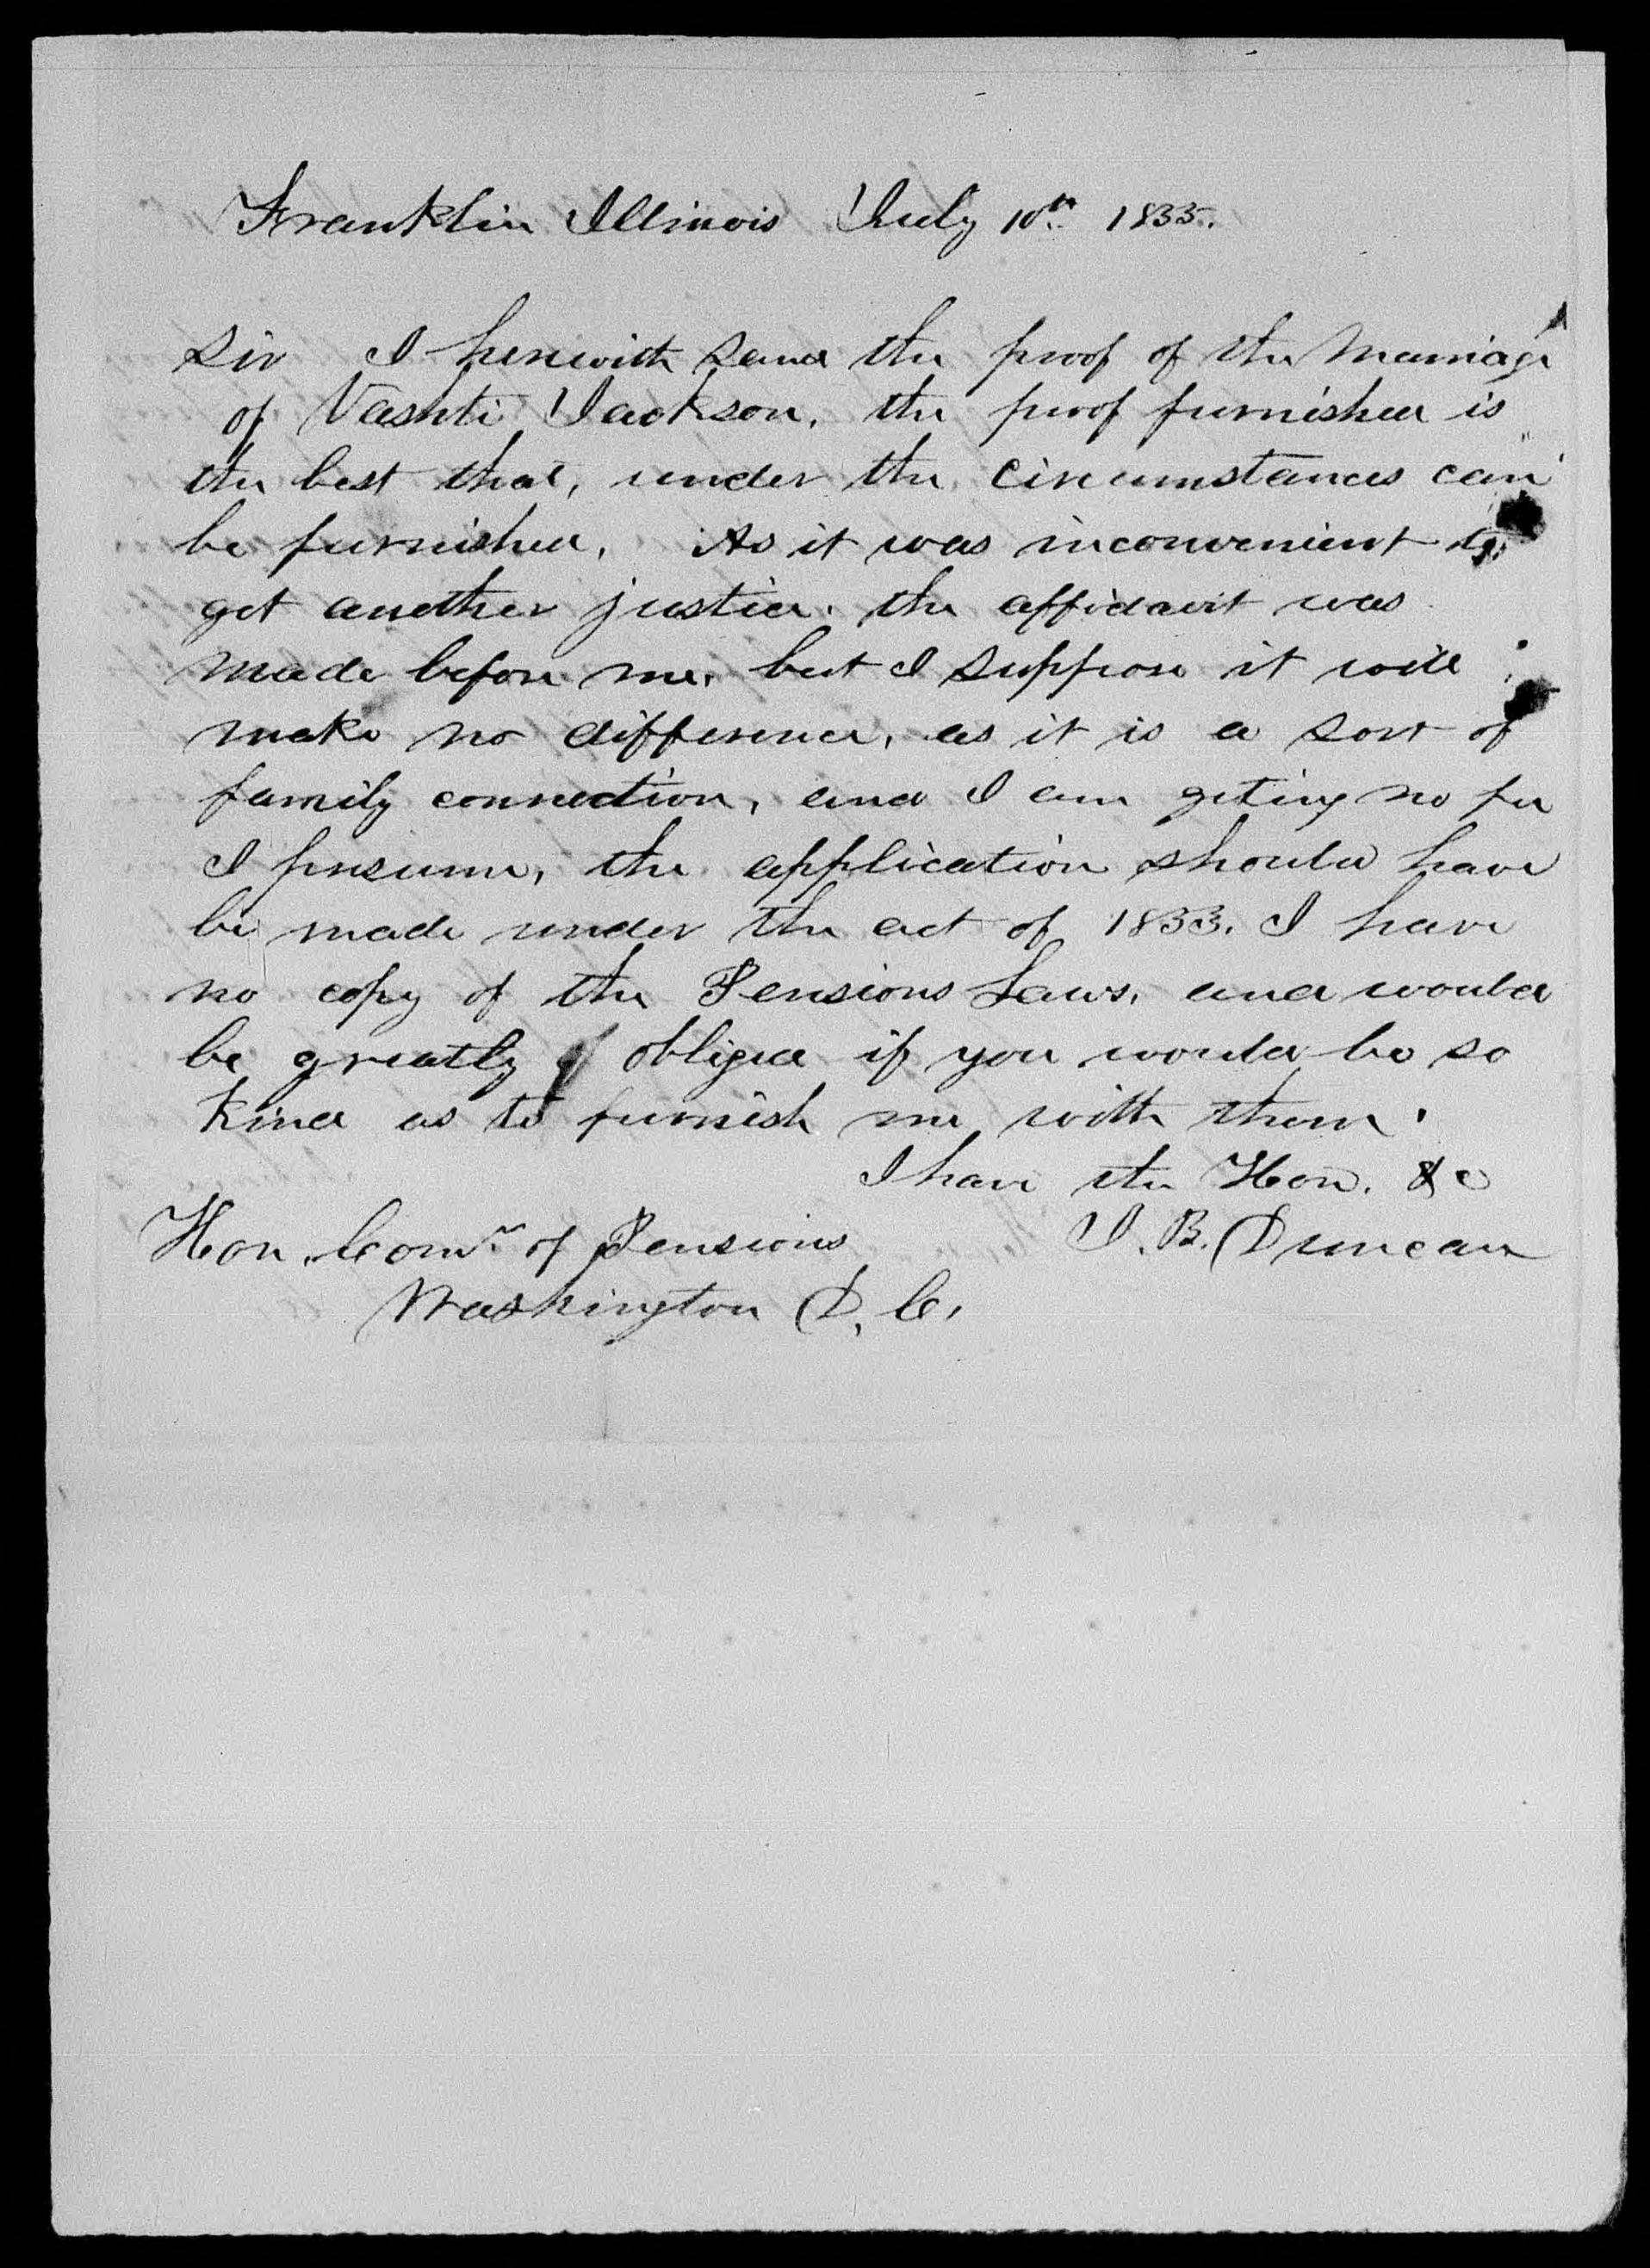Franklin Illinois July 10th 1833.

Sir I herewith send the proof of the marriage
of Vashti Jackson, the proof furnished is
the best that, under the circumstances can
be furnished. As it was inconvenient to
get another justice. the affidavit was
made before me, but I suppose it will
make no difference, as it is a sort of
family connection, and I am geting no fee
I presume, the application should have
be made under the act of 1833. I have
no copy of the Pension Laws, and would
be greatly obliged if you would be so
kind as to furnish me with them.
I have the Hon. &c
J. B. Duncan

Hon Com of Pensions
Washington D.C.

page: 37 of 56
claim: rejected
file: R 5529, for Samuel Jackson, Virginia